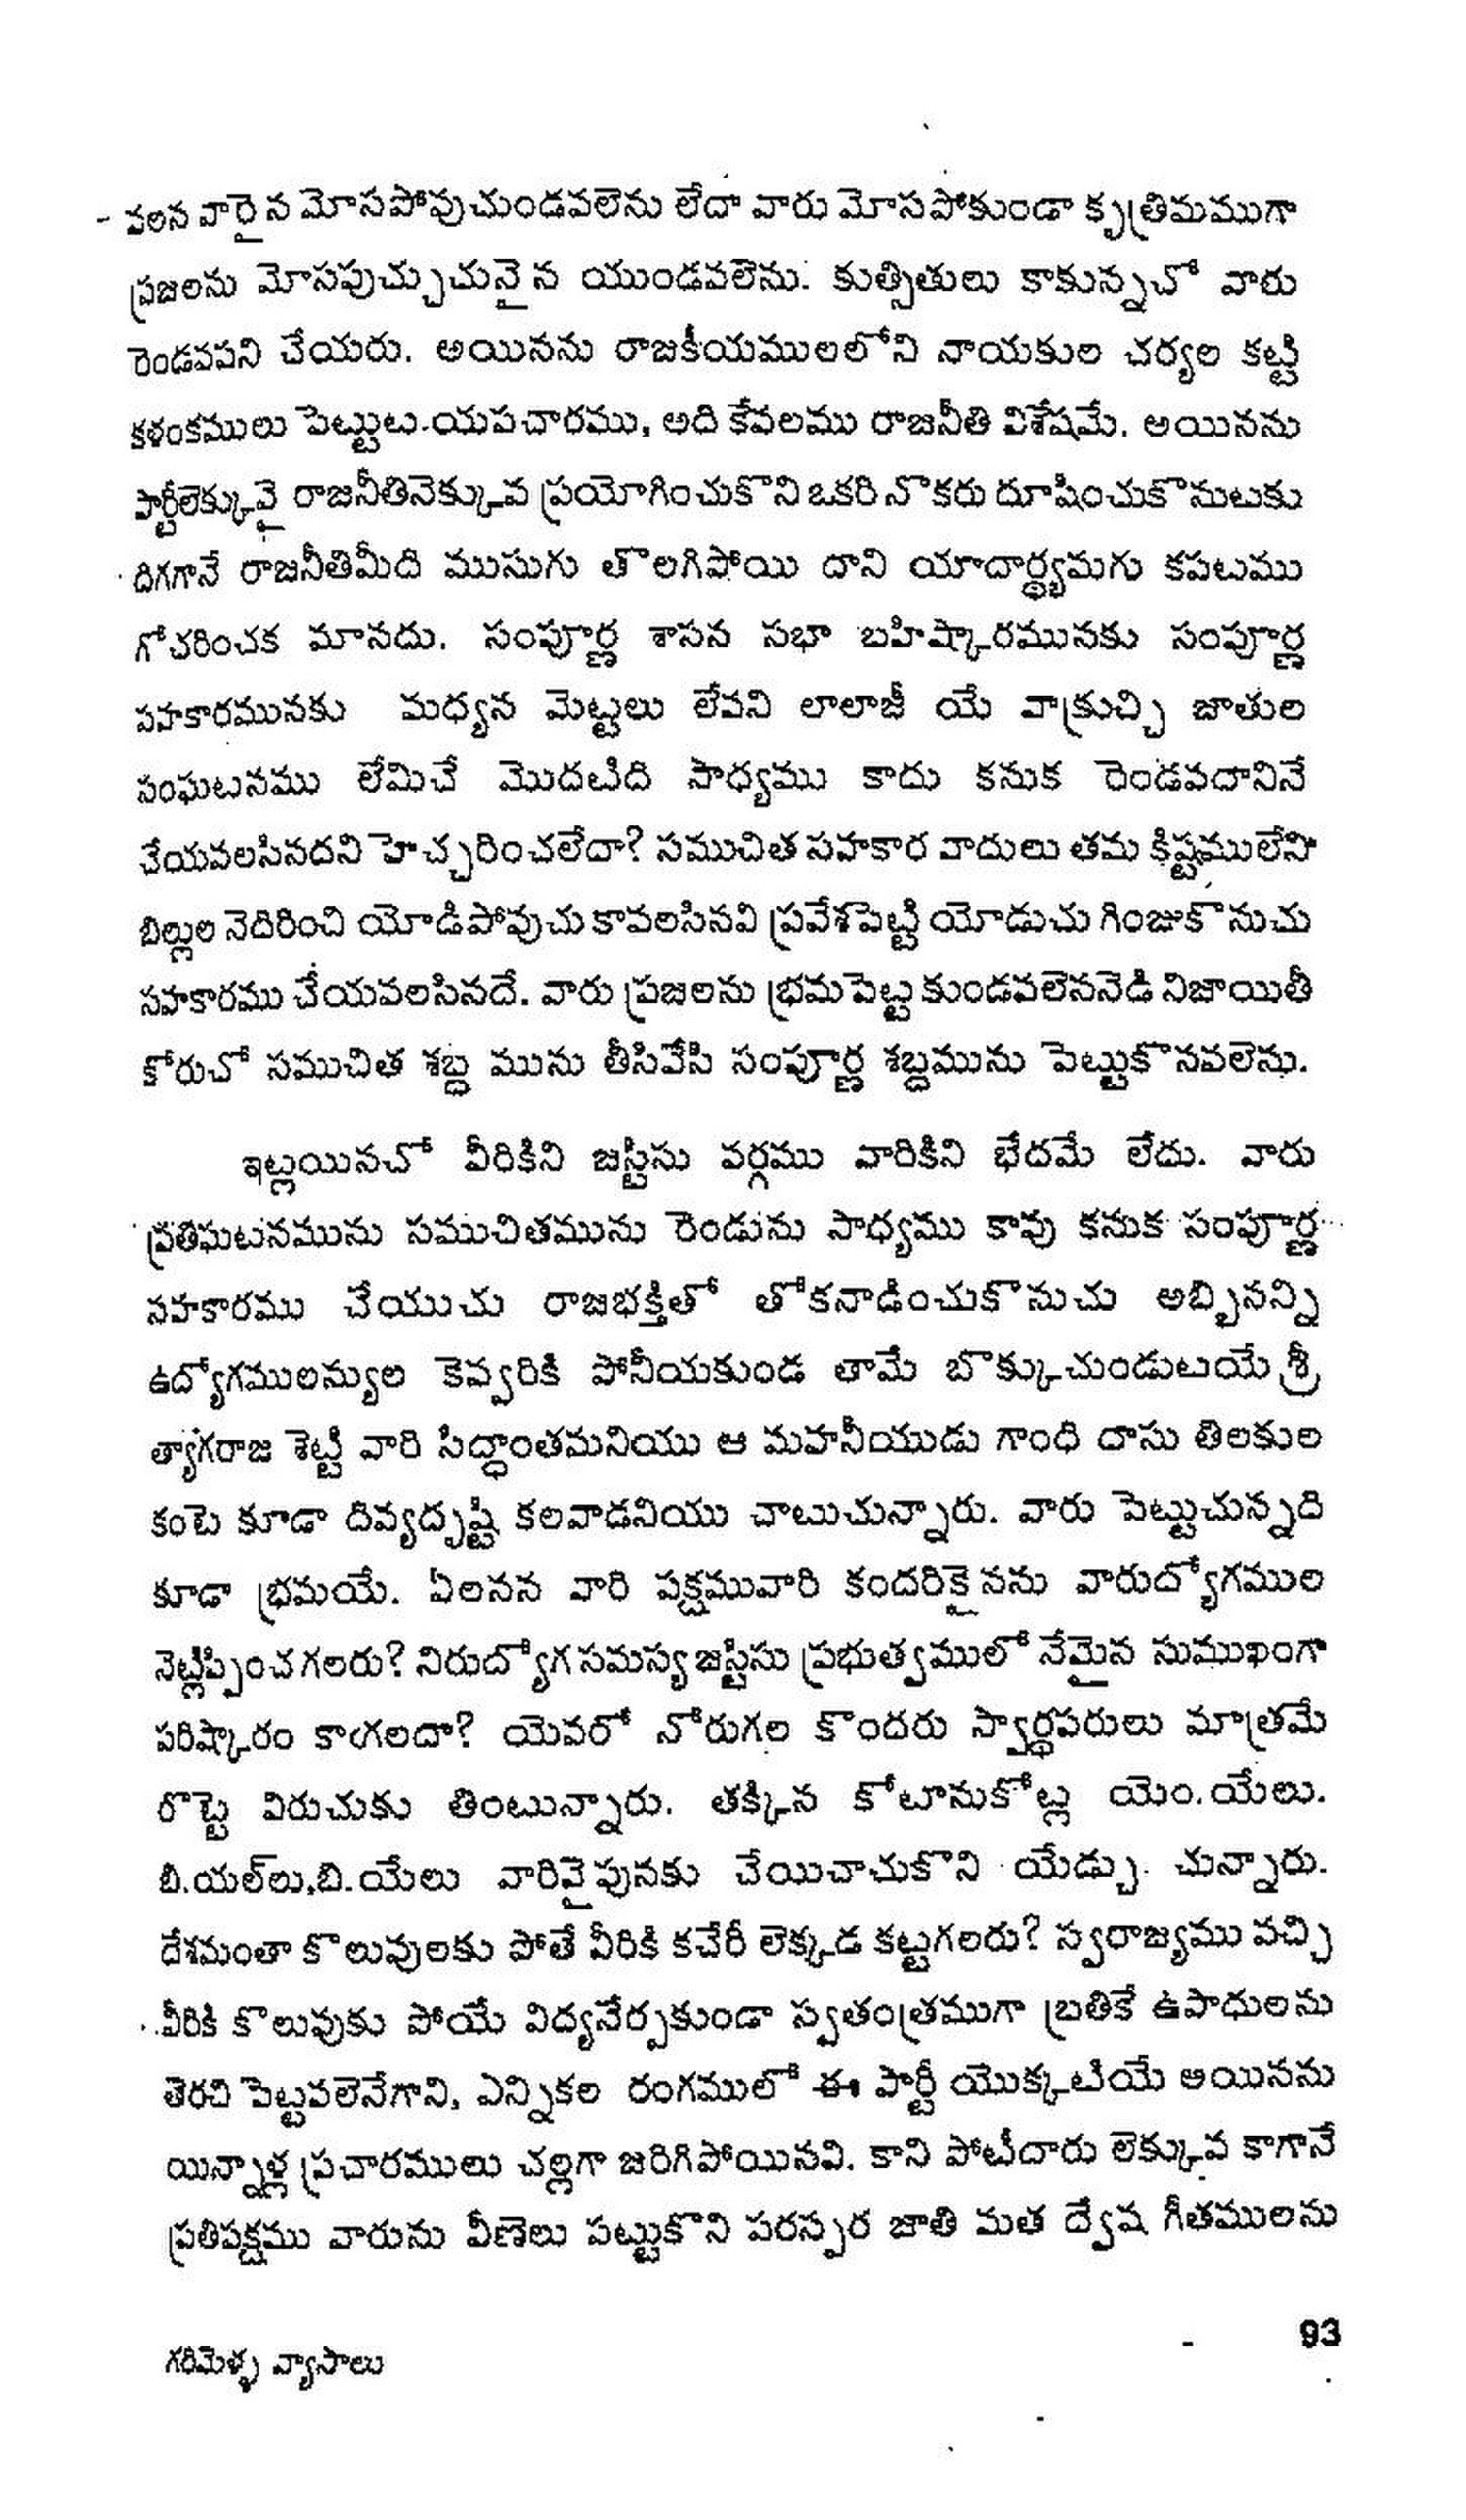వలన వారైన మోసపోవుచుండవలెను లేదా వారు మోసపోకుండా కృత్రిమముగా ప్రజలను మోసపుచ్చుచునైన యుండవలెను. కుత్సితులు కాకున్నచో వారు రెండవపని చేయరు. అయినను రాజకీయములలోని నాయకుల చర్యల కట్టి కళంకములు పెట్టుట యపచారము. అది కేవలము రాజనీతి విశేషమే. అయినను పార్టీలెక్కువై రాజనీతినెక్కువ ప్రయోగించుకొని ఒకరి నొకరు దూషించుకొనుటకు దిగగానే రాజనీతిమీద ముసుగు తొలగిపోయి దాని యాదార్థ్యమగు కపటము గోచరించక మానదు. సంపూర్ణ శాసన సభా బహిష్కారమునకు సంపూర్ణ సహకారమునకు మధ్యన మెట్టలు లేవని లాలాజీ యే వాక్రుచ్చి జాతుల సంఘటనము లేమిచే మొదటిది సాధ్యము కాదు కనుక రెండవదానినే చేయవలసినదని హెచ్చరించలేదా? సముచిత సహకార వాదులు తమ కిష్టములేని బిల్లుల నెదిరించి యోడిపోవుచు కావలసినవి ప్రవేశపెట్టి యోడుచు గింజుకొనుచు సహకారము చేయవలసినదే. వారు ప్రజలను భ్రమపెట్టకుండవలెననెడి నిజాయితీ కోరుచో సముచిత శబ్దమును తీసివేసి సంపూర్ణ శబ్దమును పెట్టుకొనవలెను.

ఇట్లయినచో వీరికిని జస్టిసు వర్గము వారికిని భేదమే లేదు. వారు ప్రతిఘటనమును సముచితమును రెండును సాధ్యము కావు కనుక సంపూర్ణ సహకారము చేయుచు రాజభక్తితో తోకనాడించుకొనుచు అబ్బినన్ని ఉద్యోగములన్యుల కెవ్వరికి పోనీయకుండ తామే బొక్కుచుండుటయే శ్రీ త్యాగరాజ శెట్టి వారి సిద్ధాంతమనియు ఆ మహనీయుడు గాంధి దాసు తిలకుల కంటె కూడా దివ్యదృష్టి కలవాడనియు చాటుచున్నారు. వారు పెట్టుచున్నది కూడా భ్రమయే. ఏలనన వారి పక్షమువారి కందరికైనను వారుద్యోగముల నెట్లింపించగలరు? నిరుద్యోగ సమస్య జస్టిసు ప్రభుత్వములో నేమైన సుముఖంగా పరిష్కారం కాఁగలదా? యెవరో నోరుగల కొందరు స్వార్థపరులు మాత్రమే రొట్టె విరుచుకు తింటున్నారు. తక్కిన కోటానుకోట్ల యెం.యేలు. బి.యల్‌లు బి.యేలు వారివైపునకు చేయిచాచుకొని యేడ్చు చున్నారు. దేశమంతా కొలువులకు పోతే వీరికి కచేరీ లెక్కడ కట్టగలరు? స్వరాజ్యాము వచ్చి వీరికి కొలువుకు పోయే విద్యనేర్పకుండా స్వతంత్రముగా బ్రతికే ఉపాధులను తెరచి పెట్టవలనేగాని, ఎన్నికల రంగములో ఈ పార్టీ యొక్కటియే అయినను యిన్నాళ్ల ప్రచారములు చల్లగా జరిగిపోయినవి. కాని పోటీదారు లెక్కువ కాగానే ప్రతిపక్షము వారును వీణెలు పెట్టుకొని పరస్పర జాతి మత ద్వేష గీతములను